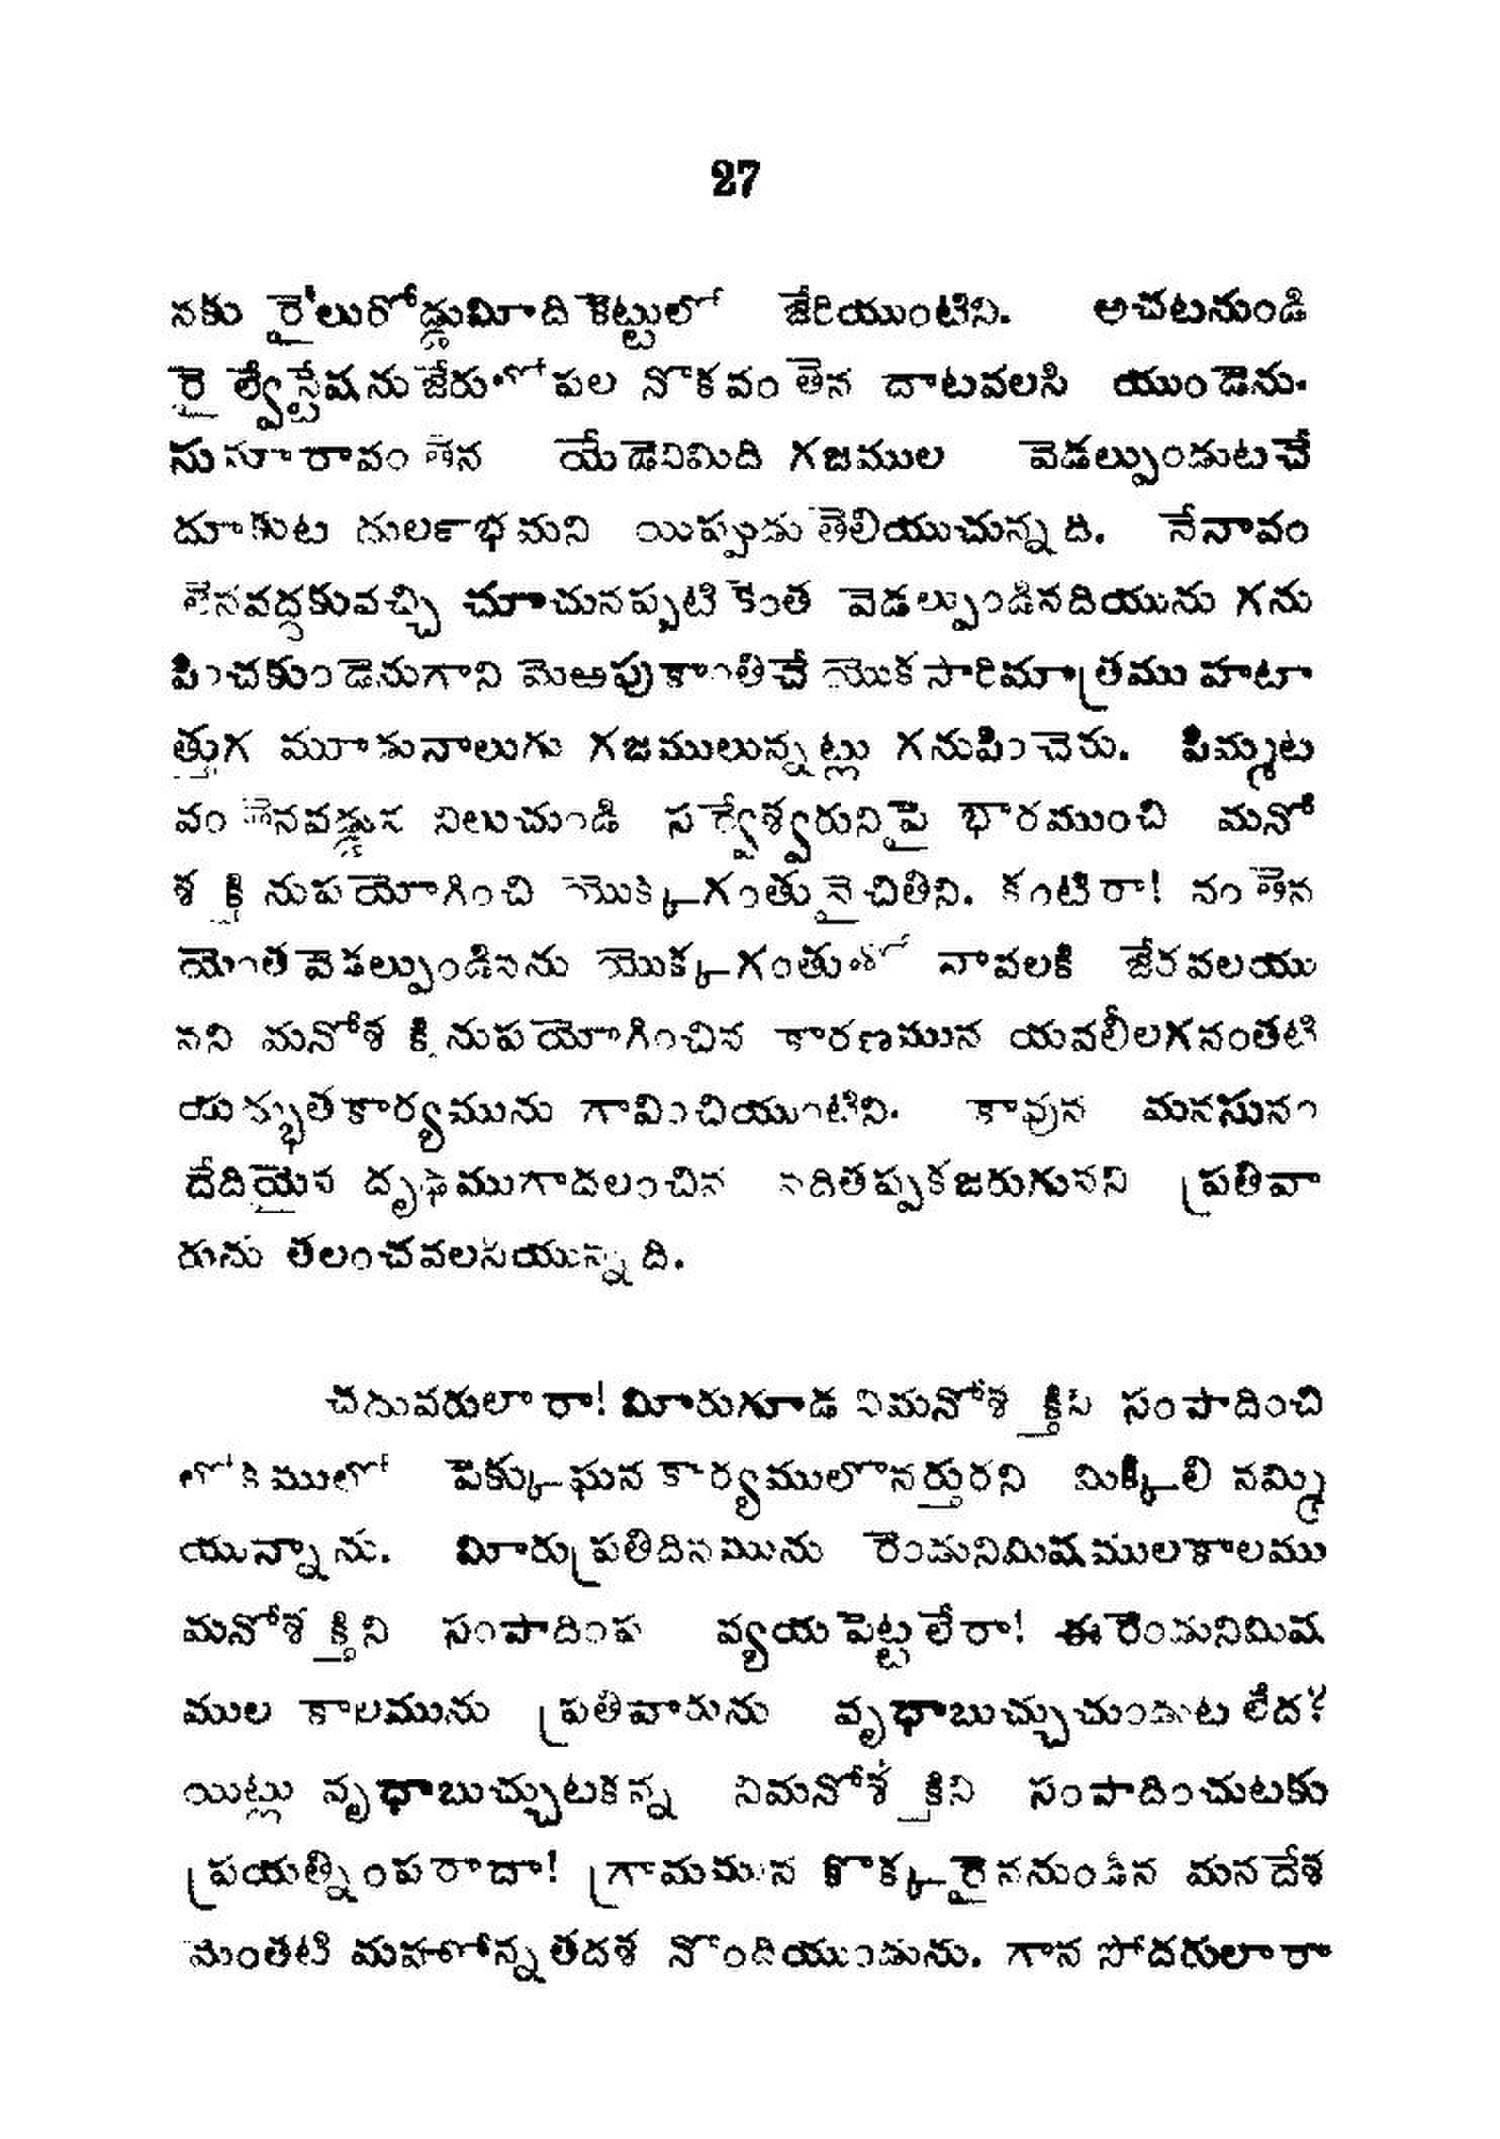నకు రైలురోడ్డుమీదికెట్టులో జేరియుంటిని. అచటనుండి రైల్వేస్టేషను జేరులోపల నొకవంతెన దాటవలసి యుండెను. సుమారావంతెన యేడెనిమిది గజముల వెడల్పుండుటచే దూకుట దులన్‌భమని యిప్పుడు తెలియుచున్నది. నేనావంతెనవద్దకువచ్చి చూచునప్పటికెంత వెడల్పుండినదియును గనుపించకుండెనుగాని మెఱపుకాంతిచే యొకసారిమాత్రము హటాత్తుగ మూడునాలుగు గజములున్నట్లు గనుపించెను. పిమ్మట వంతెనవడ్డున నిలుచుండి సర్వేశ్వరునిపై భారముంచి మనోశక్తి నుపయోగించి యొక్కగంతువైచితిని. కంటిరా! వంతెన యెంత వెడల్పుండినను యొక్కగంతుతో నావలకి జేరవలయునని మనోశక్తి నుపయోగించిన కారణమున యవలీలగనంతటి
యత్భుతకార్యమును గావించియుంటిని. కావున మనసునం దేదియైన దృఢముగాదలంచిన నదితప్పకజరుగునని ప్రతివారును తలంచవలసియున్నది.

చదువరులారా! మీరుగూడ నీమనోశక్తిని సంపాదించి లో'కిములో పెక్కుఘన కార్యములొనర్తురని మిక్కిలి నమ్మి యున్నాను. మీరుప్రతిదినమును రెండునిమిషములకాలము మనోశ క్తిని సంపాదింప వ్యయపెట్టలేరా! ఈ రెండునిమిషముల కాలమును ప్రతివారును వృధాబుచ్చుచుండుట లేద? యిట్లు వృధాబుచ్చుటకన్న నీమనోశ క్తిని సంపాదించుటకు ప్రయత్నింపరాదా! గ్రామమున కొక్కరైననుండిన మనదేశమంతటి మహోన్నతదశ నొందియుండును. గాన సోదరులారా